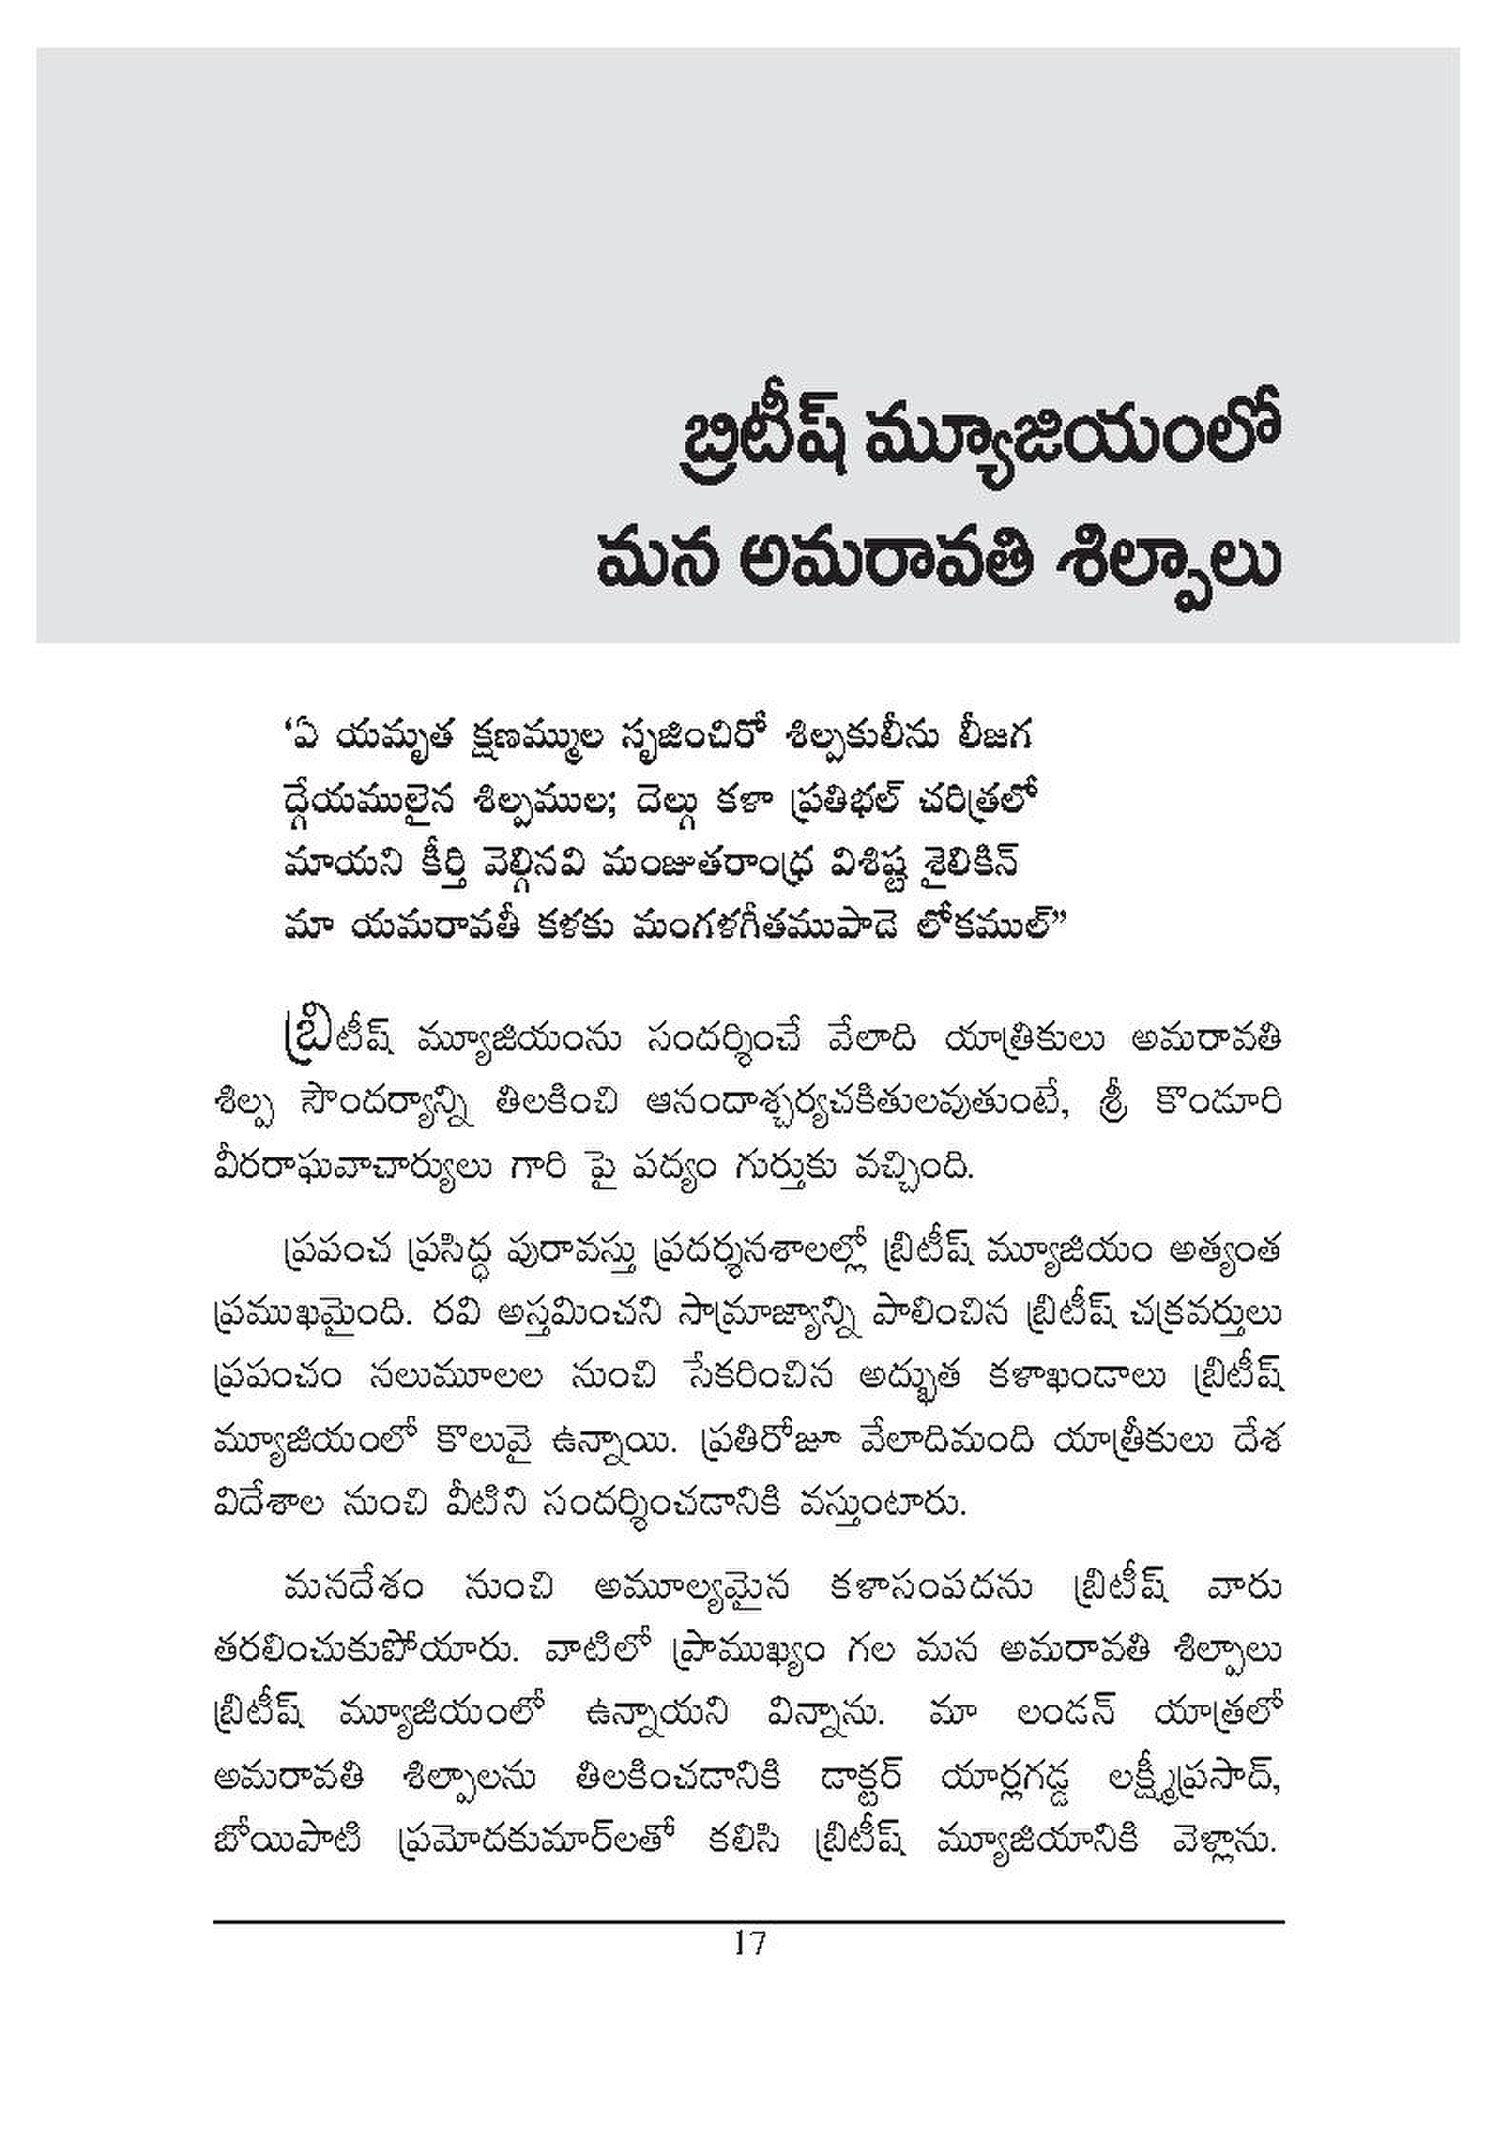బ్రిటీష్ మ్యూజియంను సందర్శించే వేలాది యాత్రికులు అమరావతి శిల్ప సౌందర్యాన్ని తిలకించి ఆనందాశ్చర్యచకితులవుతుంటే, శ్రీ కొండూరి వీరరాఘవాచార్యులు గారి పై పద్యం గుర్తుకు వచ్చింది. 

ప్రపంచ ప్రసిద్ధ పురావస్తు ప్రదర్శనశాలల్లో బ్రిటీష్ మ్యూజియం అత్యంత ప్రముఖమైంది. రవి అస్తమించని సామ్రాజ్యాన్ని పాలించిన బ్రిటీష్ చక్రవర్తులు ప్రపంచం నలుమూలల నుంచి సేకరించిన అద్భుత కళాఖండాలు బ్రిటీష్ మ్యూజియంలో కొలువై ఉన్నాయి. ప్రతిరోజూ వేలాదిమంది యాత్రీకులు దేశ విదేశాల నుంచి వీటిని సందర్శించడానికి వస్తుంటారు. 

మనదేశం నుంచి అమూల్యమైన కళాసంపదను బ్రిటీష్ వారు తరలించుకుపోయారు. వాటిలో ప్రాముఖ్యం గల మన అమరావతి శిల్పాలు బ్రిటీష్ మ్యూజియంలో ఉన్నాయని విన్నాను. మా లండన్ యాత్రలో అమరావతి శిల్పాలను తిలకించడానికి డాక్టర్ యార్లగడ్డ లక్ష్మీప్రసాద్ బోయిపాటి ప్రమోదకుమార్లతో కలిసి బ్రిటీష్ మ్యూజియానికి వెళ్లాను.